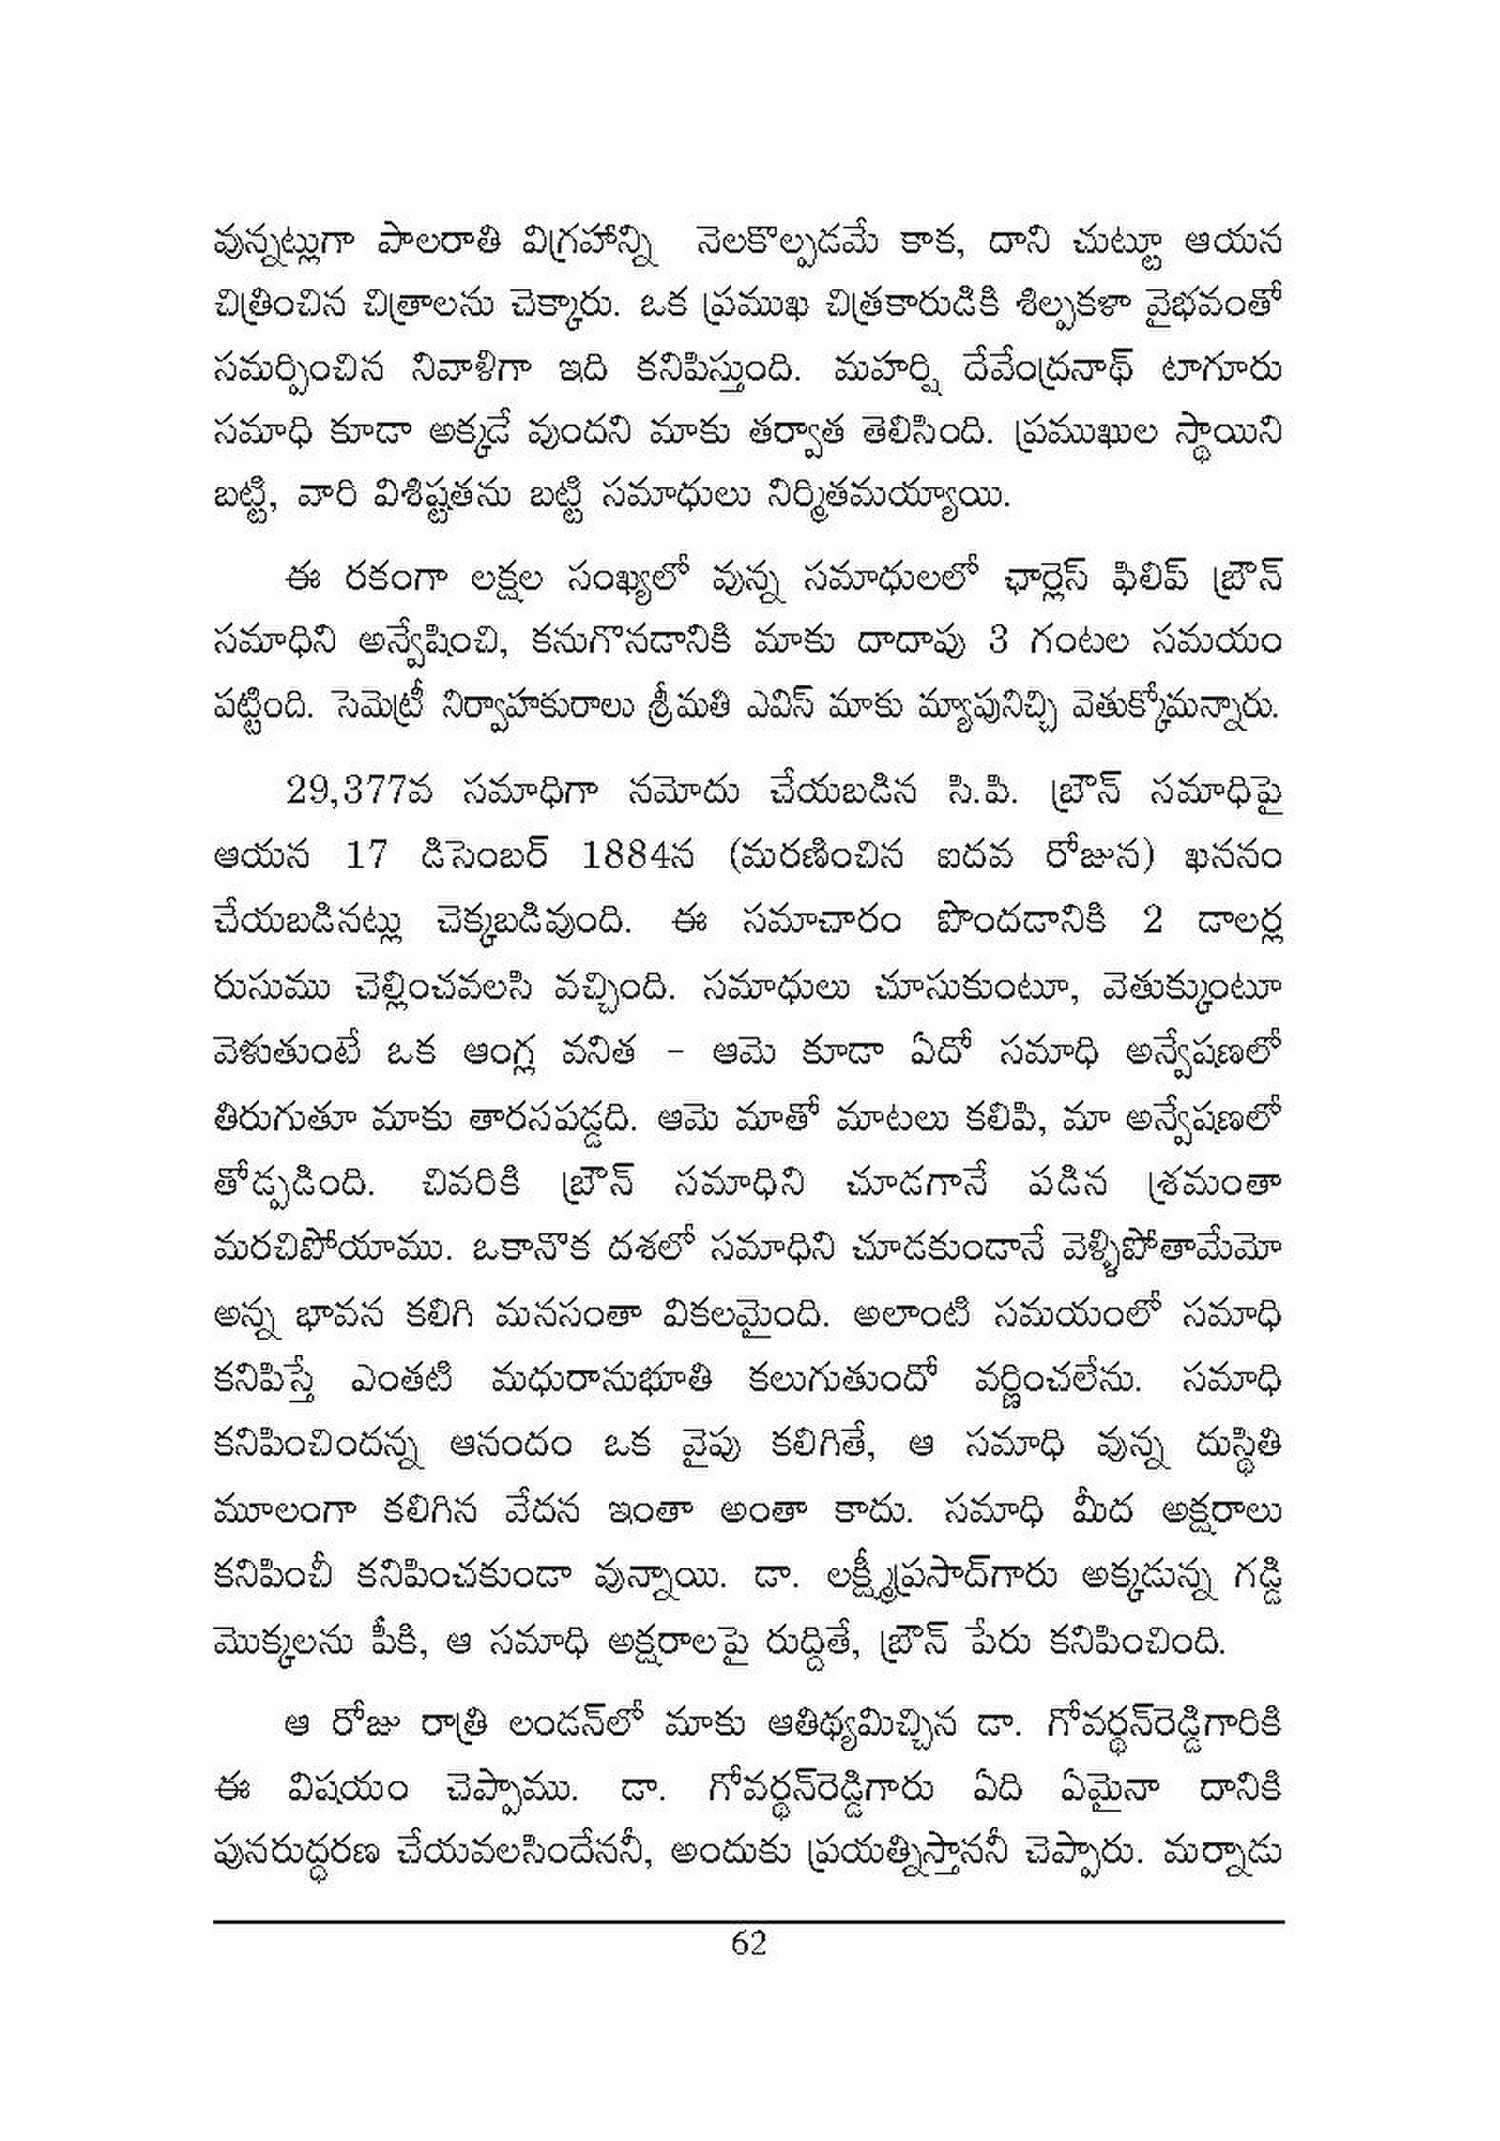వున్నట్లుగా పాలరాతి విగ్రహాన్ని నెలకొల్పడమే కాక, దాని చుట్టూ ఆయన చిత్రించిన చిత్రాలను చెక్కారు. ఒక ప్రముఖ చిత్రకారుడికి శిల్పకళా వైభవంతో సమర్పించిన నివాళిగా ఇది కనిపిస్తుంది. మహర్షి దేవేంద్రనాథ్ టాగూరు సమాధి కూడా అక్కడే వుందని మాకు తర్వాత తెలిసింది. ప్రముఖుల స్థాయిని బట్టి, విశిష్టతను బట్టి సమాధులు నిర్మితమయ్యాయి.

ఈ రకంగా లక్షల సంఖ్యలో వున్న సమాధులలో ఛార్లెస్ ఫిలిప్ బ్రౌన్ సమాధిని అన్వేషించి, కనుగొనడానికి మాకు దాదాపు 3 గంటల సమయం పట్టింది. సెమెట్రీ నిర్వాహకురాలు శ్రీమతి ఎవిస్ మాకు మ్యాపునిచ్చి వెతుక్కోమన్నారు.

29,377వ సమాధిగా నమోదు చేయబడిన సి.పి. బ్రౌన్ సమాధిపై ఆయన 17 డిసెంబర్ 1884న (మరణించిన ఐదవ రోజున) ఖననం చేయబడినట్లు చెక్కబడివుంది. ఈ సమాచారం పొందడానికి 2 డాలర్ల రుసుము చెల్లించవలసి వచ్చింది. సమాధులు చూసుకుంటూ, వెతుక్కుంటూ వెళుతుంటే ఒక ఆంగ్ల వనిత - ఆమె కూడా ఏదో సమాధి అన్వేషణలో తిరుగుతూ మాకు తారసపడ్డది. ఆమె మాతో మాటలు కలిపి, మా అన్వేషణలో తోడ్పడింది. చివరికి బ్రౌన్ సమాధిని చూడగానే పడిన శ్రమంతా మరచిపోయాము. ఒకానొక దశలో సమాధిని చూడకుండానే వెళ్ళిపోతామేమో అన్న భావన కలిగి మనసంతా వికలమైంది. అలాంటి సమయంలో సమాధి కనిపిస్తే ఎంతటి మధురానుభూతి కలుగుతుందో వర్ణించలేను. సమాధి కనిపించిందన్న ఆనందం ఒక వైపు కలిగితే, ఆ సమాధి వున్న దుస్థితి మూలంగా కలిగిన వేదన ఇంతా అంతా కాదు. సమాధి మీద అక్షరాలు కనిపించీ కనిపించకుండా వున్నాయి. డా. లక్ష్మీప్రసాద్ గారు అక్కడున్న గడ్డిమొక్కలను పీకి, ఆ సమాధి అక్షరాలపై రుద్దితే, బ్రౌన్ పేరు కనిపించింది.

ఆ రోజు రాత్రి లండన్లో మాకు ఆతిథ్యమిచ్చిన డా. గోవర్ధన్ రెడ్డిగారికి ఈ విషయం చెప్పాము. డా. గోవర్దన్ రెడ్డిగారు ఏది ఏమైనా దానికి పునరుద్ధరణ చేయవలసిందేననీ, అందుకు ప్రయత్నిస్తాననీ చెప్పారు. మర్నాడు